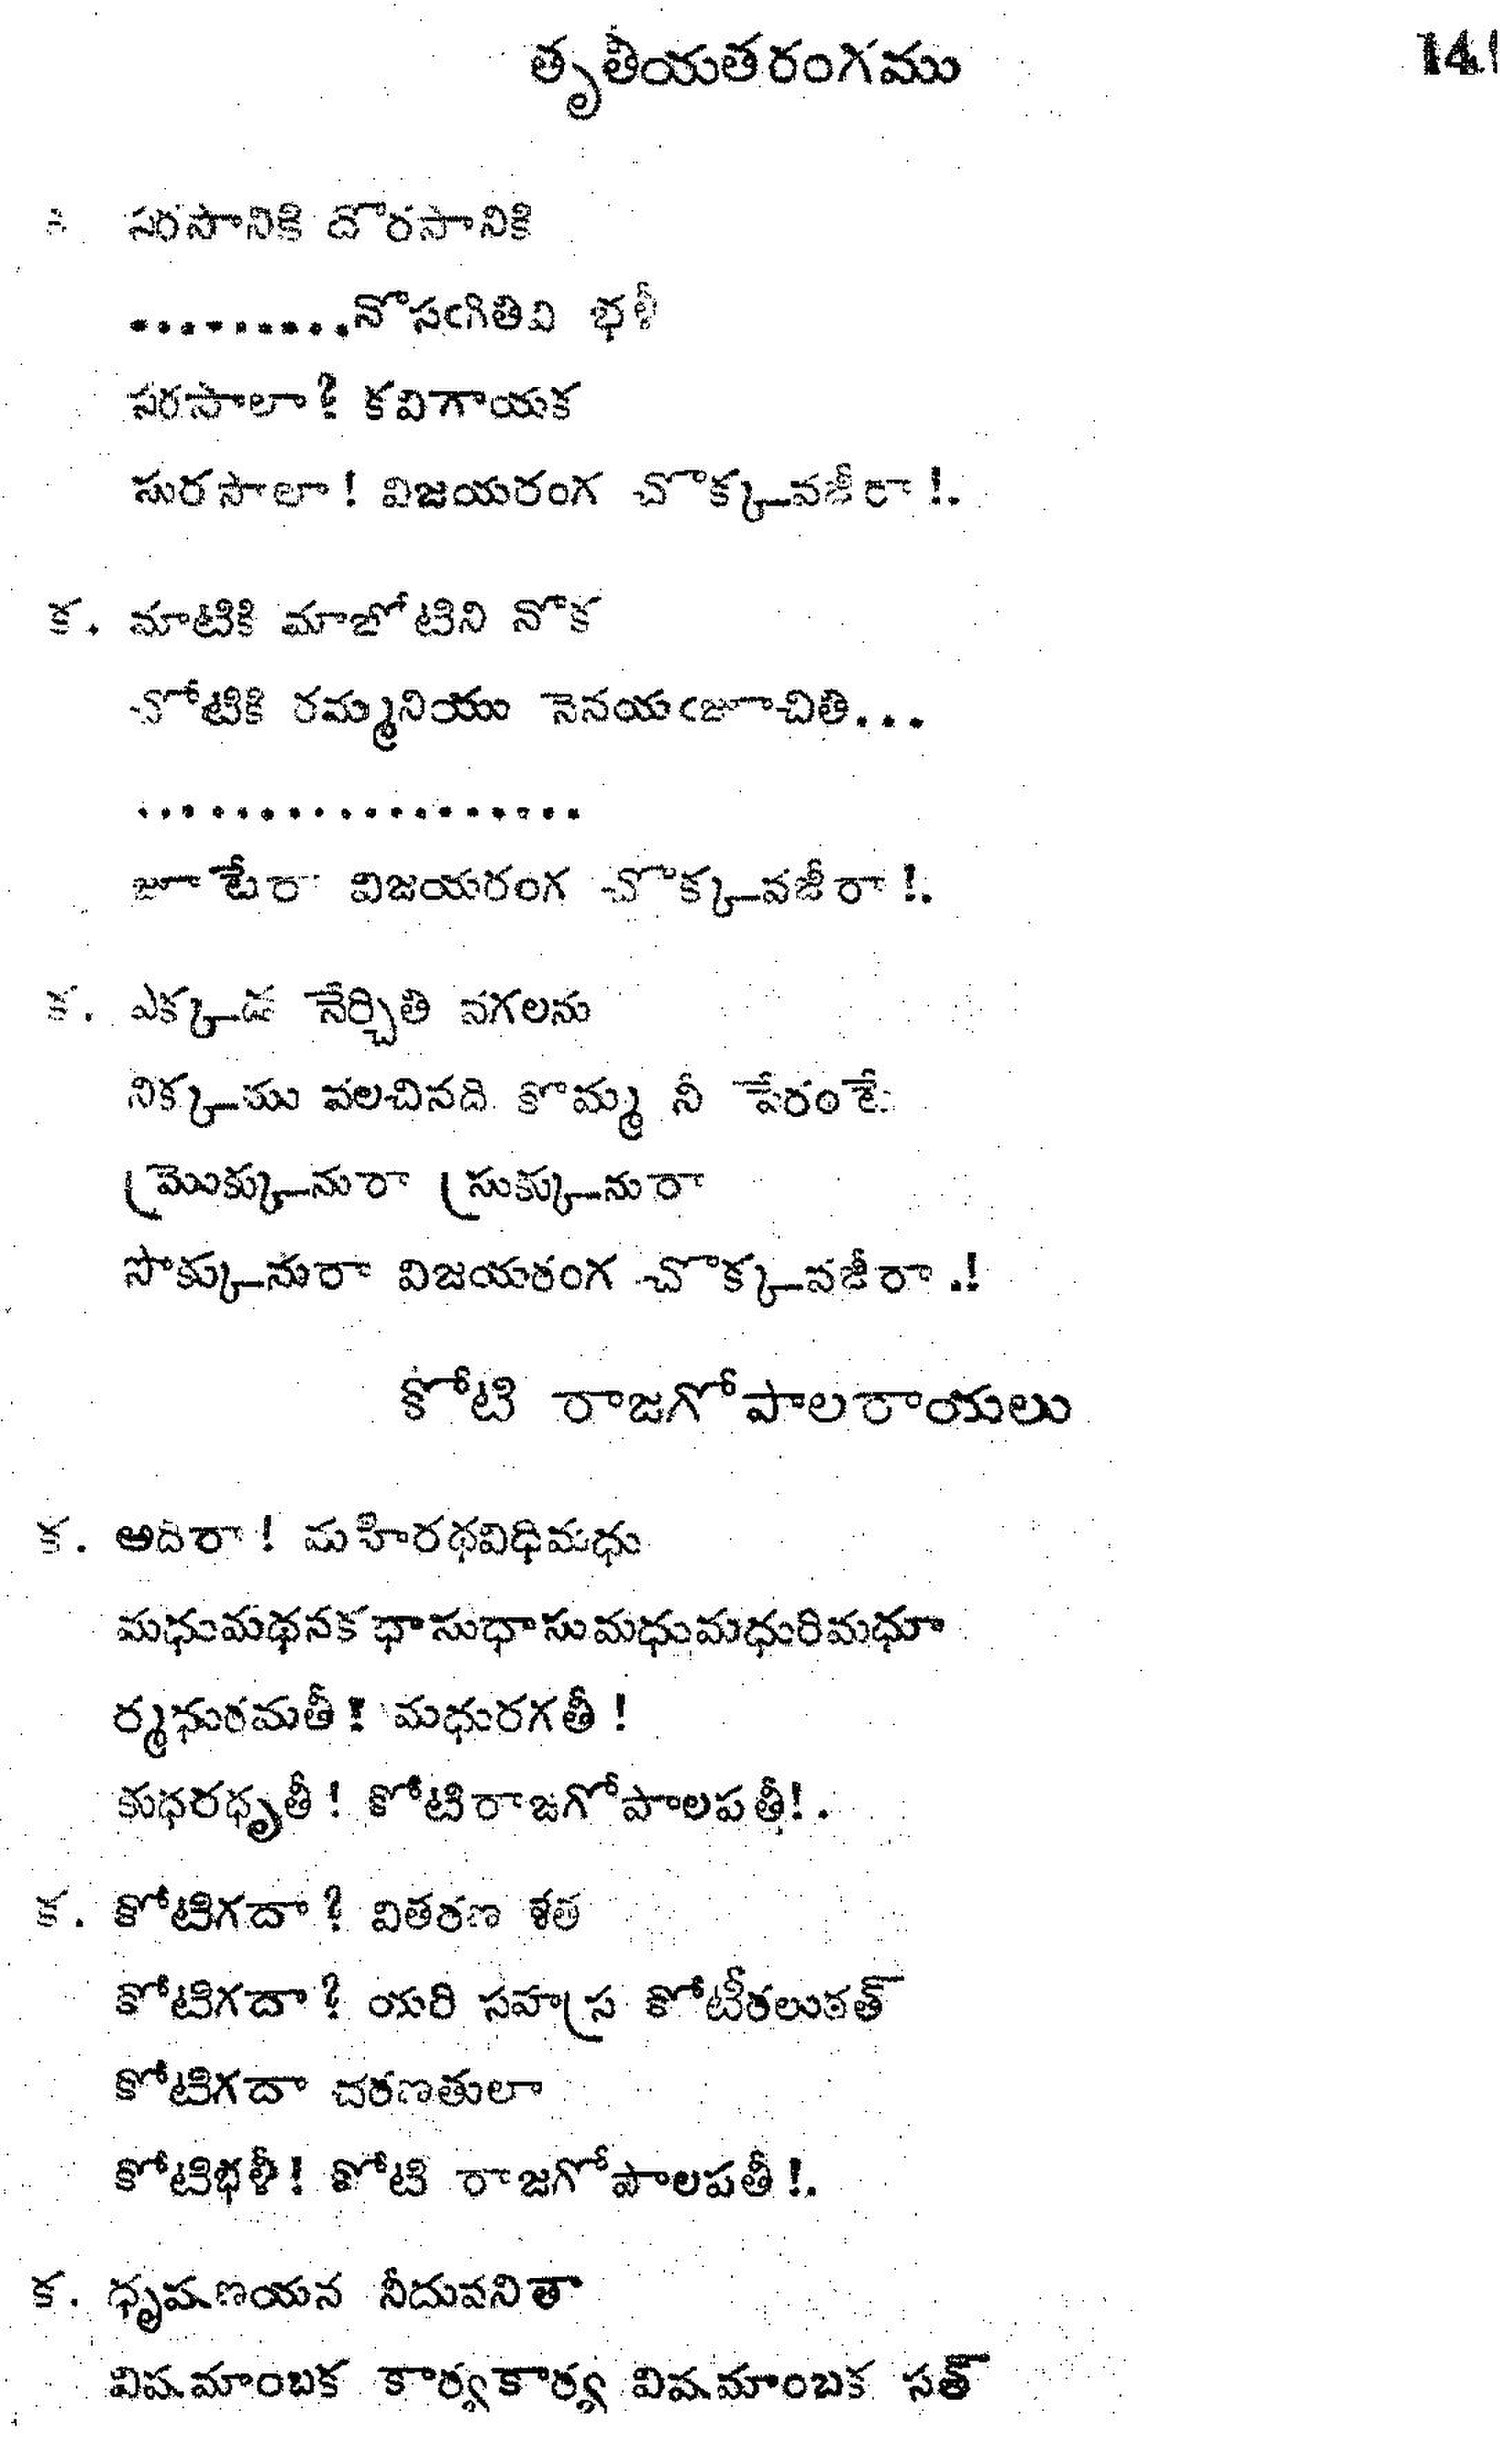క. సరసానికి దొరసానికి
 ...........................నొసగితివి భళీ
 సరసాలా? కవిగాయక
 సురసాలా! విజయరంగ చొక్కవజీరా!

క. నూటికి మాబోటికి నొక
 చోటికి రమ్మనియు నెనయఁజూచితి....
 ..............................
 జూటేరా విజయరంగ చొక్కవజీరా!

క. ఎక్కడ నేర్చితి వగలను
 నిక్కము వలచినది క్రొమ్మ నీ పేరంటే
 మ్రొక్కునురా స్రుక్కునురా
 సొక్కునురా విజయరంగ చొక్కవజీరా!

క. అదిరా! మహీరథవిధిమధు
 మధమథనకధాసుధాసుమధుమధురిమధూ
 ర్మధురమతీ! మధురగతీ!
 కుధరధృతీ! కోటిరాజగోపాలపతీ!

క. కోటిగదా? వితరణ శత
 కోటిగదా? యరిసహస్రకోటీరలుఠత్
 కోటిగదా చరణతులా
 కోటిభళీ! కోటిరాజగోపాలపతీ!

క. ధృషణయన నీదువనితా
 విషమాంబక కార్యకార్యవిషమాంబక సత్